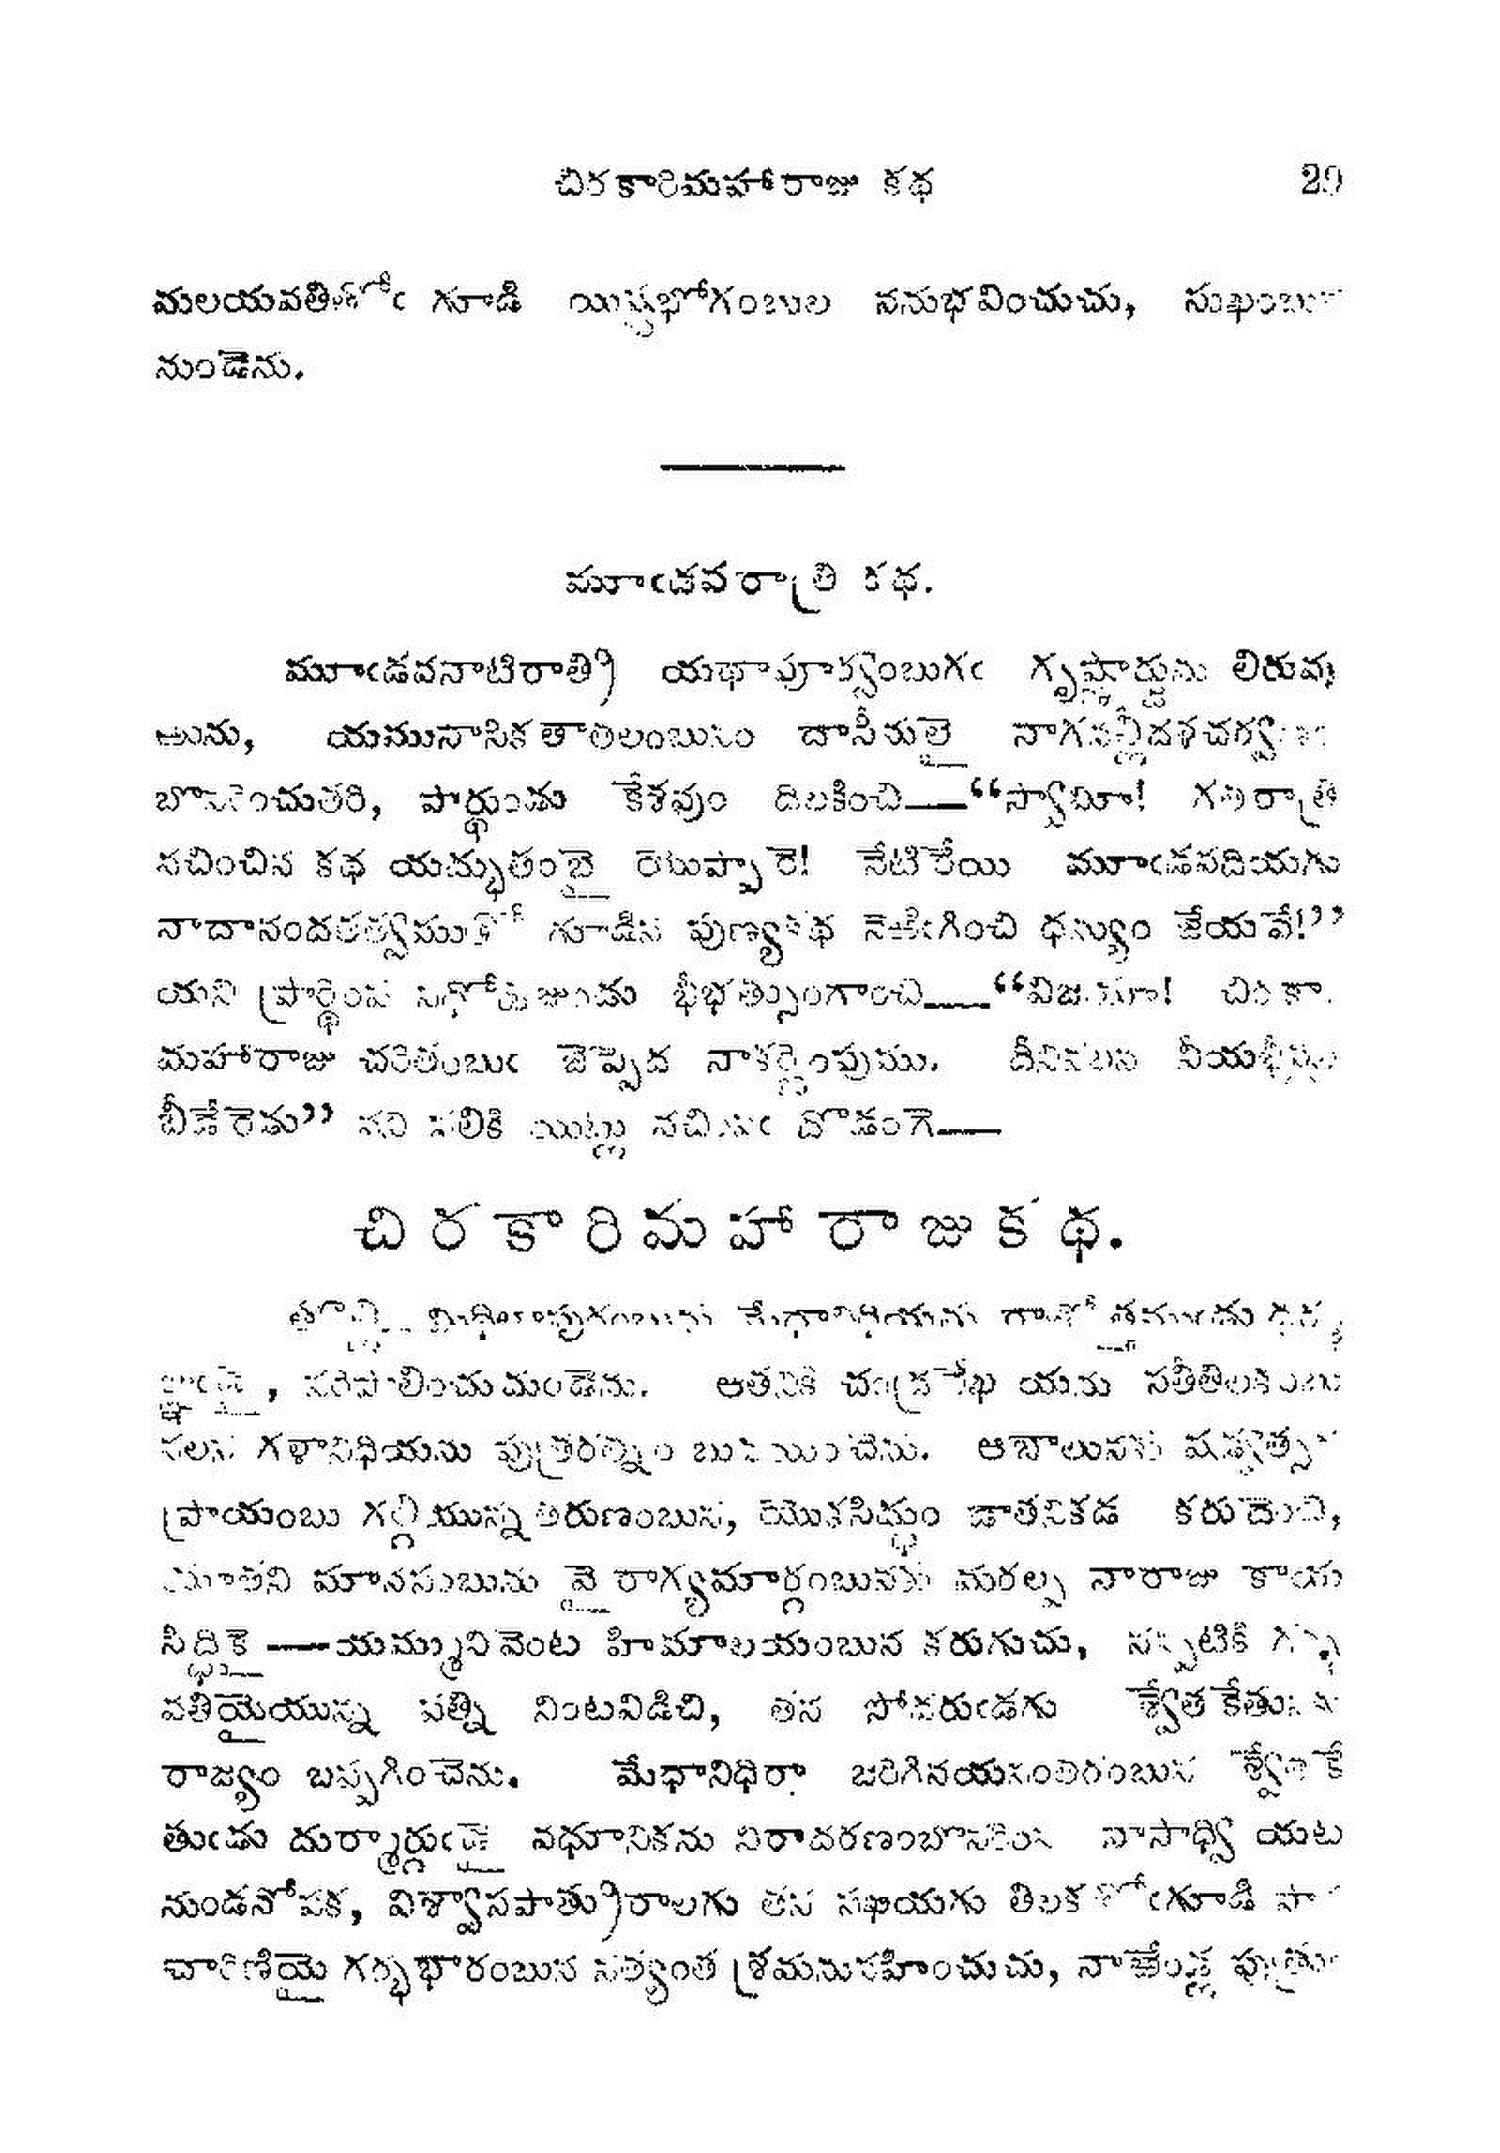మలయవతి, గూడి యిష్తభోగంబుల ననుభవించుచు, సుఖంబుగా నుండెను.

మూఁడవనాటిరాత్రి యధా పూర్వంబుగఁ గృష్ణార్జును లిరువుఱును యమునాసిక తాతలంబునం దాసీనులై నాగవల్లీ దళ చర్వణ బొనరించుతరి, పార్టుండు కేశవుం దిలకించి——"స్వామి! గతరాత్రి వచించిన కథ యద్బుతంబై యోప్పారె! నేటి రేయి మూఁడవదియగు నాదానందతత్వముతో గూడిన పుణ్యకధ నెఱిగించి ధన్యుం జేయవే!" యని ప్రార్థింప సధోక్షజుండు భీభత్సుం గాంచి——"విజయా! చిరకారి మహారాజు చరితంబు జెప్పెద నాకర్ణింపుము. దీనివలన నీయభీష్టం బీడేరెడు" నని పలికి యిట్లు వచింపఁ దోడంగె——

తోల్లి మిధిలాపురంబును మేధానిధియను రాజోత్తముండు ధర్మజ్జుఁడై పరిపాలించుచుండెను. అతనికి చంద్రరేఖ యను సతీతిలకంబు వలన గళానిధియను పుత్రరత్నం బుదయించెను. ఆబాలునకు షడ్వత్సర ప్రాయంబు గల్గియున్న తరుణంబున, యొక సిద్ధుం డాతనికడ కరుదెంచి, యాతని మానసంబును వైరాగ్యమార్గంబునకు మరల్ప నారాజు కాయ
సిద్ధికై——యమ్ముని వెంట హిమాలయంబున కరుగుచు, నప్పటికి, గర్బవతియైయున్న పత్ని నింటవిడిచి, తన సోదరుఁడగు శ్వేతకేతునకు రాజ్యం బప్పగించెను. మేధానిధిరా జరిగినయనంతరంబున శ్వేతకేతుఁడు దుర్మార్గుఁడై వధూనికను నిరాదరణం బోనరింప నాసాధ్వి యట నుండనోపక , విశ్వాసపాత్రురాలగు తన సఖియగు తిలకతోఁ గూడి పాదచారిణియై గర్భ భారంబున నత్యంత శ్రమను సహించుచు, నాఱేండ్ల పుత్రుని